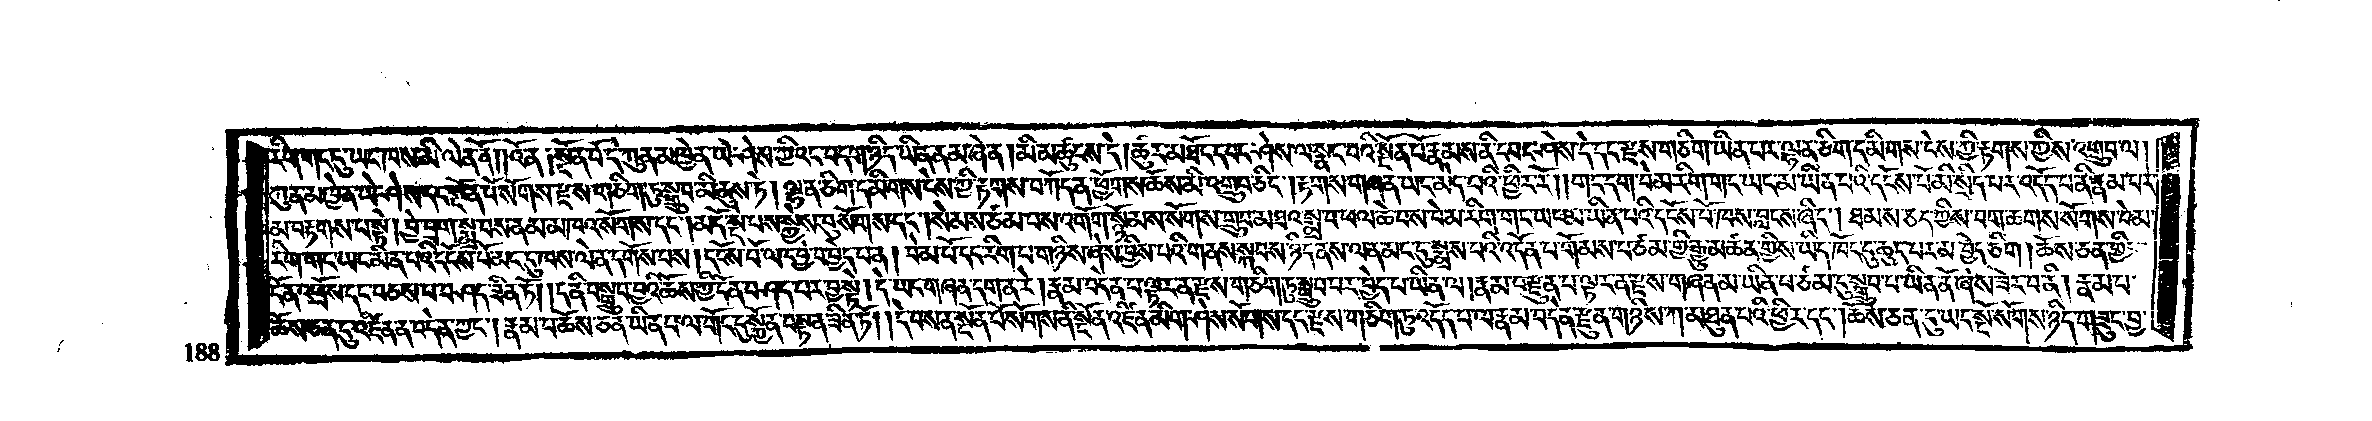རིག་གང་དུ་ཡང་ཁས་མི་ལེན་ནོ། །འོ་ན། སྔོན་པོ་དེ་ཀུན་མཁྱེན་ཡེ་ཤེས་ཀྱི་འང་བདག་ཉིད་ཡིན་ནམ་ཞེ་ན། མི་མཚུངས་དེ། ཚུར་མཐོང་དབང་ཤེས་ལ་སྣང་བའི་སྔོན་པོ་རྣམས་ནི་དབང་ཤེས་དེ་དང་རྫས་གཅིག་ཡིན་པར་ལྷན་ཅིག་དམིགས་ངེས་ཀྱི་རྟགས་ཀྱིས་འགྲུབ་ལ།
ཀུན་མཁྱེན་ཡེ་ཤེས་དང་སྔོན་པོ་སོགས་རྫས་གཅིག་ཏུ་སྒྲུབ་མི་ནུས་ཏེ། ལྷན་ཅིག་དམིགས་ངེས་ཀྱི་རྟགས་བཀོད་ན་ཕྱོགས་ཆོས་མི་འགྲུབ་ཅིང་། རྟགས་གཞན་ཡང་མེད་པའི་ཕྱིར་རོ། །གང་དག་བེམ་རིག་གང་ཡང་མ་ཡིན་པའི་དངོས་པོ་མི་སྲིད་པར་འདོད་པ་ནི་རྣམ་པར་
མ་བརྟགས་པ་སྟེ། བྱེ་བྲག་སྨྲ་བས་ནམ་མཁའ་སོགས་དང་། མདོ་སྡེ་པས་སྐྱེས་བུ་སོགས་དང་། སེམས་ཙམ་པས་འགོག་སྙོམས་སོགས་གྲུབ་མཐའ་སྨྲ་བ་ཕལ་ཆེ་བས་བེམ་རིག་གང་ཡང་མ་ཡིན་པའི་དངོས་པོ་ཁས་བླངས་ཞིང་། ཐམས་ཅད་ཀྱིས་བག་ཆགས་སོགས་བེམ་
རིག་གང་ཡང་མིན་པའི་དངོས་པོ་མང་དུ་ཁས་ལེན་དགོས་པས། དངོས་པོ་ལ་དབྱེ་བ་བྱེད་པ་ན། བེམ་པོ་དང་རིག་པ་གཉིས་ཞེས་བྱིས་པའི་གནས་སྐབས་ཉིད་ནས་ལན་མང་དུ་སྨྲས་པའི་འདོན་པ་གོམས་པ་ཙམ་གྱི་རྒྱུ་མཚན་གྱིས་ཡིད་ཁོང་དུ་ཆུད་པར་མ་བྱེད་ཅིག །ཆོས་ཅན་གྱི་
དོན་འཕྲོས་དང་བཅས་པ་བཤད་ཟིན་ཏོ། །ད་ནི་བསྒྲུབ་བྱའི་ཆོས་ཀྱི་དོན་བཤད་པར་བྱ་སྟེ། དེ་ཡང་གཞན་དག་ན་རེ། རྣམ་བདེན་པ་ལྟར་ན་རྫས་གཅིག་ཏུ་སྒྲུབ་པར་བྱེད་པ་ཡིན་ལ། རྣམ་བརྫུན་པ་ལྟར་ན་རྫས་གཞན་མ་ཡིན་པ་ཙམ་དུ་སྒྲུབ་པ་ཡིན་ནོ་ཞེས་ཟེར་བ་ནི། རྣམ་པ་
ཆོས་ཅན་དུ་འཛིན་ན་བདེན་ཀྱང་། རྣམ་པ་ཆོས་ཅན་ཡིན་པ་ལ་གོང་དུ་སྐྱོན་བསྟན་ཟིན་ཏོ། །དེ་བས་ན་སྔོན་པོ་སོགས་ནི་སྔོན་འཛིན་མིག་ཤེས་སོགས་དང་རྫས་གཅིག་ཏུ་འདོད་པ་ལ་རྣམ་བདེན་རྫུན་གཉིས་ཀ་མཐུན་པའི་ཕྱིར་དང་། ཆོས་ཅན་དུ་ཡང་སྔོ་སོགས་ཉིད་གཟུང་བྱ་